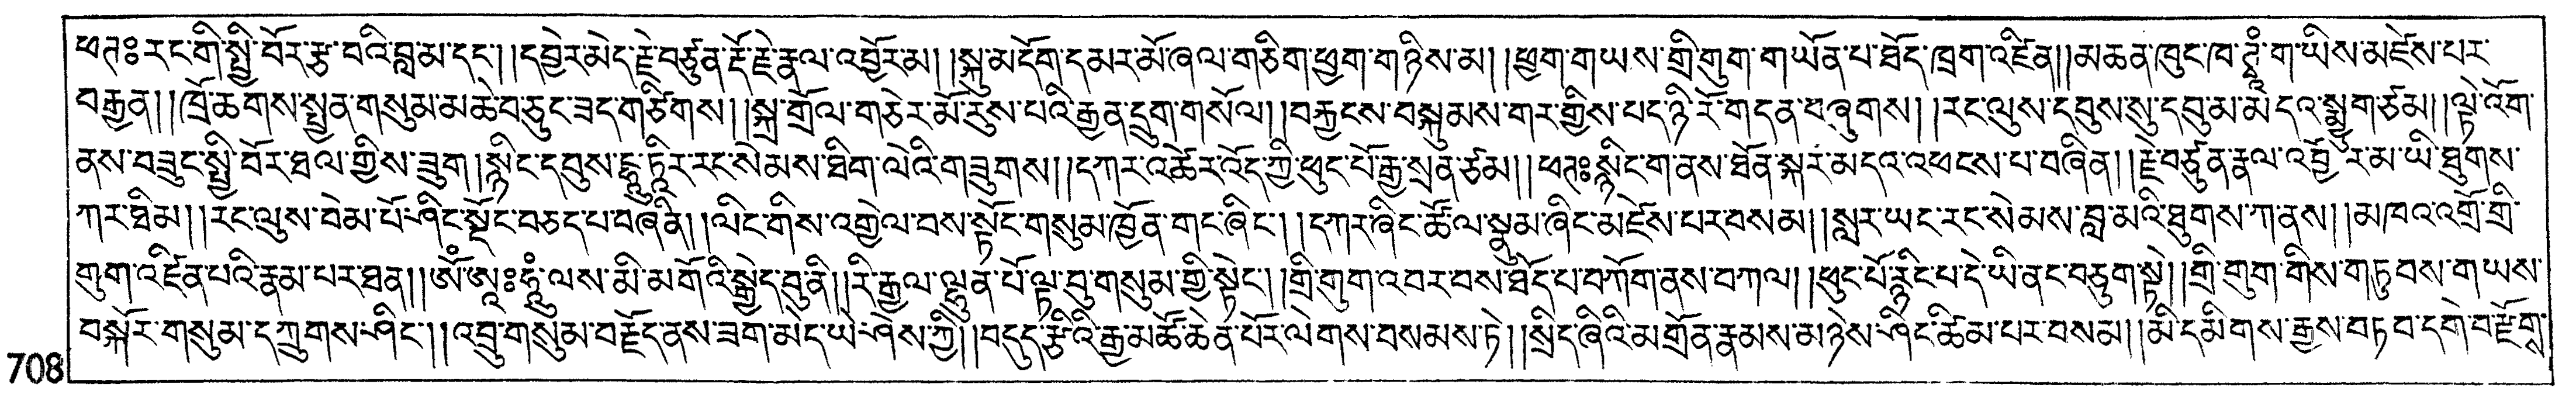ཕཊཿ རང་གི་སྤྱི་བོར་རྩ་བའི་བླ་མ་དང་། །དབྱེར་མེད་རྗེ་བཙུན་རྡོ་རྗེ་རྣལ་འབྱོར་མ། །སྐུ་མདོག་དམར་མོ་ཞལ་གཅིག་ཕྱག་གཉིས་མ། །ཕྱག་གཡས་གྲི་གུག་གཡོན་པ་ཐོད་ཁྲག་འཛིན། །མཆན་ཁུང་ཁ་ཊྭཱཾ་ག་ཡིས་མཛེས་པར་
བརྒྱན། །ཁྲོ་ཆགས་སྤྱན་གསུམ་མཆེ་བ་ཅུང་ཟད་གཙིགས། །སྐྲ་གྲོལ་གཅེར་མོ་རུས་པའི་རྒྱན་དྲུག་གསོལ། །བརྐྱངས་བསྐུམས་གར་གྱིས་པད་ཉི་རོ་གདན་བཞུགས། །རང་ལུས་དབུས་སུ་དབུ་མ་མདའ་སྨྱུག་ཙམ། །ལྟེ་འོག་
ནས་བཟུང་སྤྱི་བོར་ཐལ་གྱིས་ཟུག །སྙིང་དབུས་དྷཱུ་ཏཱིར་རང་སེམས་ཐིག་ལེའི་གཟུགས། །དཀར་འཚེར་འོད་ཀྱི་ཕུང་པོ་རྒྱ་སྲན་ཙམ། །ཕཊཿ སྙིང་ག་ནས་ཐོན་སྐར་མདའ་འཕངས་པ་བཞིན། །རྗེ་བཙུན་རྣལ་འབྱོར་མ་ཡི་ཐུགས་
ཀར་ཐིམ། །རང་ལུས་བེམ་པོ་ཤིང་སྡོང་བཅད་པ་བཞིན། །ལིང་གིས་འགྱེལ་བས་སྟོང་གསུམ་ཁྱོན་གང་ཞིང་། །དཀར་ཞིང་ཚོ་ལ་སྣུམ་ཞིང་མཛེས་པར་བསམ། །སླར་ཡང་རང་སེམས་བླ་མའི་ཐུགས་ཀ་ནས། །མཁའ་འགྲོ་གྲི་
གུག་འཛིན་པའི་རྣམ་པར་ཐན། །ཨོཾ་ཨཱཿ ཧཱུཾ་ལས་མི་མགོའི་སྒྱེད་བུ་ནི། །རི་རྒྱལ་ལྷུན་པོ་ལྟ་བུ་གསུམ་གྱི་སྟེང་། །གྲི་གུག་འབར་བས་ཐོད་པ་བཀོག་ནས་བཀལ། །ཕུང་པོ་རྙིང་པ་དེ་ཡི་ནང་བཅུག་སྟེ། །གྲི་གུག་གིས་གཏུབས་གཡས་
བསྐོར་གསུམ་དཀྲུགས་ཤིང་། །འབྲུ་གསུམ་བརྗོད་ནས་ཟག་མེད་ཡེ་ཤེས་ཀྱི། །བདུད་རྩིའི་རྒྱ་མཚོ་ཆེན་པོར་ལེགས་བསམས་ཏེ། །སྲིད་ཞིའི་མགྲོན་རྣམས་མཉེས་ཤིང་ཚིམ་པར་བསམ། །མི་དམིགས་རྒྱས་བཏབ་དགེ་བ་རྫོགས་